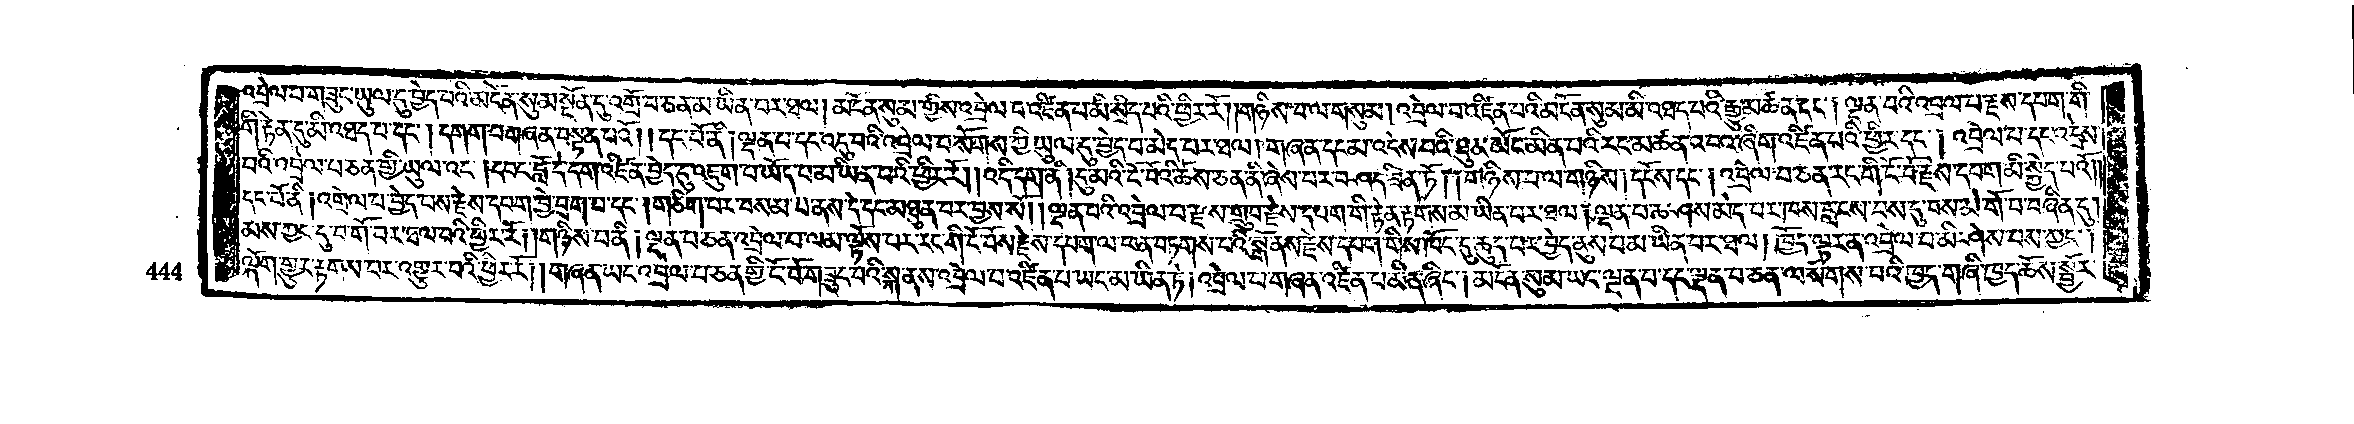འབྲེལ་པ་གཟུང་ཡུལ་དུ་བྱེད་པའི་མངོན་སུམ་སྔོན་དུ་འགྲོ་བ་ཅན་མ་ཡིན་པར་ཐལ། མངོན་སུམ་གྱིས་འབྲེལ་བ་འཛིན་པ་མི་སྲིད་པའི་ཕྱིར་རོ། །གཉིས་པ་ལ་གསུམ། འབྲེལ་བ་འཛིན་པའི་མངོན་སུམ་མི་འཐད་པའི་རྒྱུ་མཚན་དང་། ལྡན་པའི་འབྲལ་པ་རྗེས་དཔག་གི་
གི་རྟེན་དུ་མི་འཐད་པ་དང་། དགག་པ་གཞན་བསྟན་པའོ། །དང་པོ་ནི། ལྡན་པ་དང་འདུ་བའི་འབྲེལ་བ་སོགས་ཀྱི་ཡུལ་དུ་བྱེད་པ་མེད་པར་ཐལ། གཞན་དང་མ་འདེས་པའི་ཐུན་མོང་མིན་པའི་རང་མཚན་འབའ་ཞིག་འཛིན་པའི་ཕྱིར་དང་། འབྲེལ་པ་དང་འདྲེས་
བའི་འབྲེལ་པ་ཅན་གྱི་ཡུལ་འང་། དབང་བློ་དེ་དག་འཛིན་བྱེད་དུ་འཇུག་པ་ཡོད་པ་མ་ཡིན་པའི་ཕྱིར་རོ། །འདི་དག་ནི། དུ་མའི་ངོ་བོའི་ཆོས་ཅན་ནི་ཞེས་པར་བཤད་ཟིན་ཏོ། །གཉིས་པ་ལ་གཉིས། དངོས་དང་། འབྲེལ་བ་ཅན་རང་གི་ངོ་བོ་རྗེས་དཔག་མི་སྐྱེས་པའོ། །
དང་པོ་ནི༑ འགྲེལ་པ་བྱེད་པས་རྗེས་དཔག་བྱེ་བྲག་པ་དང་། གཅིག་པར་བསམ་པ་ནས་དེ་དང་མཐུན་པར་བྱས་སོ། །ལྡན་པའི་འབྲེལ་པ་བ་རྫས་གྲུབ་རྗེས་དཔག་གི་རྟེན་རྟགས་མ་ཡིན་པར་ཐལ། ལྡན་པ་ཆ་ཤས་མེད་པར་ཁས་རླངས་པས་དུ་བས་མགོ་བ་བཞིན་དུ་
མས་ཀྱང་དུ་བ་གོ་བར་ཐལ་བའི་ཕྱིར་རོ། །གཉིས་པ་ནི། ལྡན་པ་ཅན་འབྲེལ་པ་ལམ་ལྟོས་པར་རང་གི་ངོ་བོས་རྗེས་དཔག་ལ་ཕན་བཏགས་པའི་སྒོ་ནས་རྗེས་དཔག་གིས་གོང་དུ་ཆུད་པར་བྱེད་ནུས་པ་མ་ཡིན་པར་ཐལ། ཁྱད་ལྟར་ན་འབྲེལ་བ་མི་ཤེས་པས་ཀྱང་།
ལྐོག་གྱུར་རྟགས་པར་འགྱུར་པའི་ཕྱིར་རོ། །གཞན་ཡང་འབྲེལ་པ་ཅན་གྱི་ངོ་བོ་གཟུང་བའི་སྐ་ནས་འབྲེལ་པ་འཛིན་པ་ཡང་མ་ཡིན་ཏེ། འབྲེལ་པ་གཞན་འཛིན་པ་མིན་ཞིང་། མངོན་སུམ་ཡང་ལྡན་པ་དག་ལྡན་པ་ཅན་ལ་སོགས་པའི་ཁྱད་གཞི་ཁྱད་ཆོས་སྦྱོར་